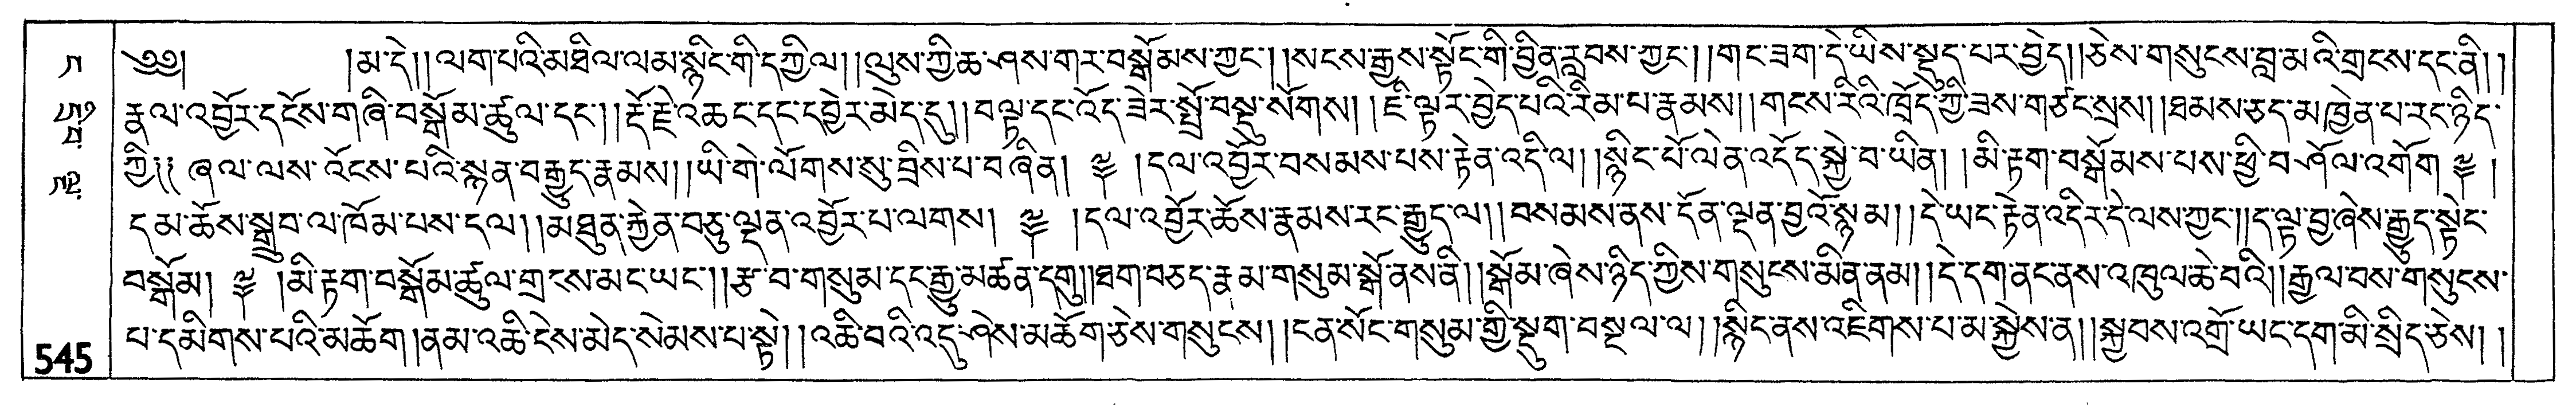༄༅། །མ་དེ། །ལག་པའི་མཐིལ་ལམ་སྙིང་གི་དཀྱིལ། །ལུས་ཀྱི་ཆ་ཤས་གར་བསྒོམས་ཀྱང་། །སངས་རྒྱས་སྟོང་གི་བྱིན་རླབས་ཀྱང་། །གང་ཟག་དེ་ཡིས་སྡུད་པར་བྱེད། །ཅེས་གསུངས་བླ་མའི་གྲངས་དང་ནི། །
རྣལ་འབྱོར་དངོས་གཞི་བསྒོམ་ཚུལ་དང་། །རྡོ་རྗེ་འཆང་དང་དབྱེར་མེད་དུ། །བལྟ་དང་འོད་ཟེར་སྤྲོ་བསྡུ་སོགས། །ཇི་ལྟར་བྱེད་པའི་རིམ་པ་རྣམས། །གངས་རིའི་ཁྲོད་ཀྱི་ཟས་གཙང་སྲས། །ཐམས་ཅད་མཁྱེན་པ་རང་ཉིད་
ཀྱི༑ ༑ཞལ་ལས་འོངས་པའི་སྙན་བརྒྱུད་རྣམས། །ཡི་གེ་ལོགས་སུ་བྲིས་པ་བཞིན། ༈ །དལ་འབྱོར་བསམས་པས་རྟེན་འདི་ལ། །སྙིང་པོ་ལེན་འདོད་སྐྱེ་བ་ཡིན། །མི་རྟག་བསྒོམས་པས་ཕྱི་བཤོལ་འགོག ༈ །
དམ་ཆོས་སྒྲུབ་ལ་ཁོམ་པས་དལ། །མཐུན་རྐྱེན་བཅུ་ལྡན་འབྱོར་པ་ལགས། ༈ །དལ་འབྱོར་ཆོས་རྣམས་རང་རྒྱུད་ལ། །བསམས་ནས་དོན་ལྡན་བྱའོ་སྙམ། །དེ་ཡང་རྟེན་འདིར་དེ་ལས་ཀྱང་། །དེ་ལྟ་བྱ་ཞེས་རྒྱུད་སྟེང་
བསྒོམ། ༈ །མི་རྟག་བསྒོམ་ཚུལ་གྲངས་མང་ཡང་། །རྩ་བ་གསུམ་དང་རྒྱུ་མཚན་དགུ། །ཐག་བཅད་རྣམ་གསུམ་སྒོ་ནས་ནི། །སྒོམ་ཞེས་ཉིད་ཀྱིས་གསུངས་མིན་ནམ། །དེ་དག་ནང་ནས་འཁུལ་ཆེ་བའི། །རྒྱལ་བས་གསུངས་
པ་དམིགས་པའི་མཆོག །ནམ་འཆི་ངེས་མེད་སེམས་པ་སྟེ། །འཆི་བའི་འདུ་ཤེས་མཆོག་ཅེས་གསུངས། །ངན་སོང་གསུམ་གྱི་སྡུག་བསྔལ་ལ། །སྙིང་ནས་འཇིགས་པ་མ་སྐྱེས་ན། །སྐྱབས་འགྲོ་ཡང་དག་མི་སྲིད་ཅེས། །